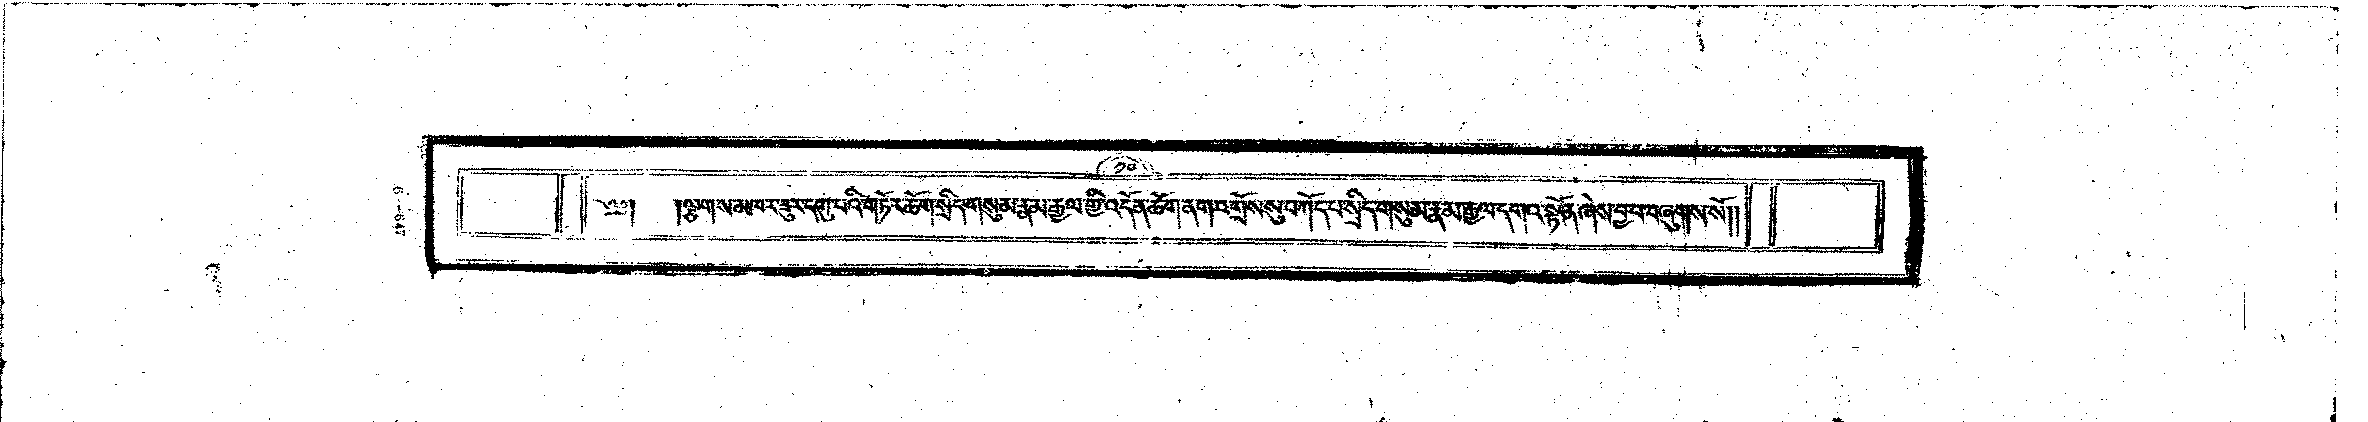༄༅། །ལྕགས་མཁར་ཟུར་དགུ་པའི་གཏོར་ཆོག་སྲིད་གསུམ་རྣམ་རྒྱལ་གྱི་འདོན་ཆོག་ནག་འགྲོས་སུ་བཀོད་པ་སྲིད་གསུམ་རྣམ་རྒྱལ་དགའ་སྟོན་ཞེས་བྱ་བ་བཞུགས་སོ།།